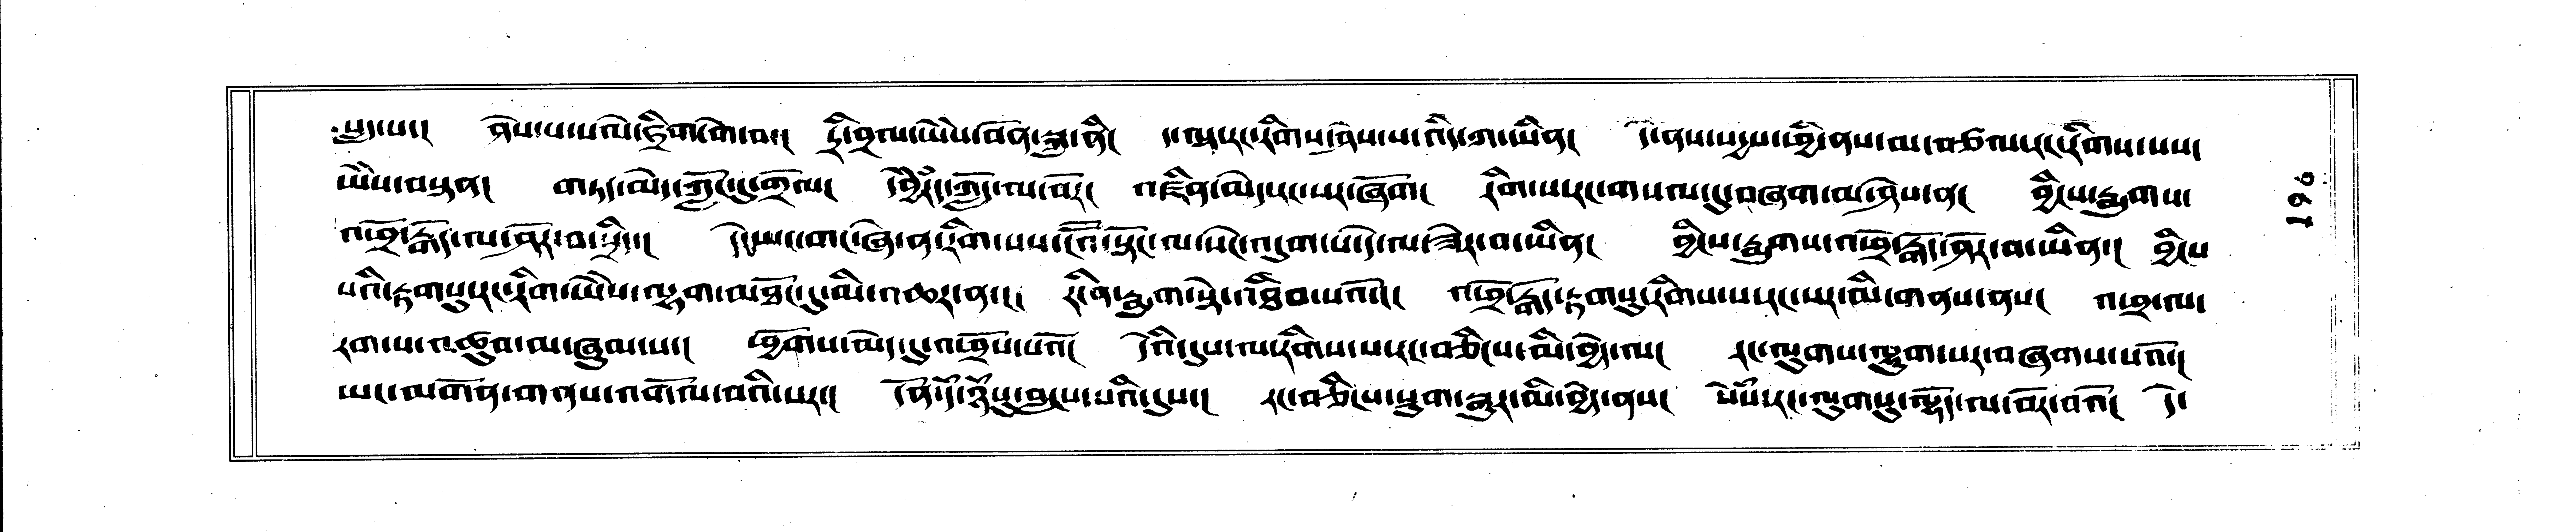བསླད་པ། ཤེས་པ་སལེ་ཧྲིག་གེ་བ། དྲི་བྲལ་ཡེ་ཤེས་བོན་སྐུ་ནི། ད་ལྟ་རང་རིག་ཤེས་པ་འདི་ཀ་ཡིན། དེ་ནས་སངས་རྒྱས་ཕྱི་ན་མ་བརྩལ་རིག་པའི་
ཡེ་ཤེས་བསྟན། གཏད་མེད་ཀློང་དུ་ཁྲོལ། བྱར་མེད་ཀློད་ལ་བོར། འཛིན་མེད་རང་སར་ཞོག རིག་པ་རང་སར་དུ་བཞག་མ་ཤེས་ན། བྱིང་རྨུག་
འཕྲོ་རྒོད་ལ་ཤོར་བ་སྲིད། དེ་ཡང་གང་ཞེ་ན། རིག་པའི་ངོའོ་སྟོང་སང་ངེ་འདུག་པ་དེ་ལ་ཟེར་བ་ཡིན། བྱིང་རྨུག་འཕྲོ་རྒོད་བྱ་བ་ནི། བྱིང་
པའི་རྟགས་སུ་རང་རིག་ཡེ་ཤེས་ལྷག་མཐོང་དུ་མི་འཆར་ན། རང་བཞིན་རྨུག་སྟེ་འཐིབ་པའོ། འཕྲོ་རྒོད་ཀྱིས་རྟགས་སུ། རིག་པ་རང་སར་མི་གནས་ན། འཕྲ་ལ་
རག་པ་འཚུབ་མ་ཞིབ་པ་ཕྱོགས་མེད་དུ་འཕྲོ་བའོ། དེའི་དུས་ལ་རིག་པ་རང་བཅིང་མི་བྱེད་ནས། རང་ལུགས་སུ་ལྷུག་པར་བཞག་པའོ། 
ཡང་དགོས་གནས་འགུལ་བའི་སར། དོན་དམ་ཉམས་སུ་བླང་པའི་དུས། རང་བཅིང་སྡུག་བསྒུར་མི་བྱེད་ནས། སེམས་རང་ལྷུགས་སུ་ལྷོད་ལ་འབོར་བའོ། དེ་